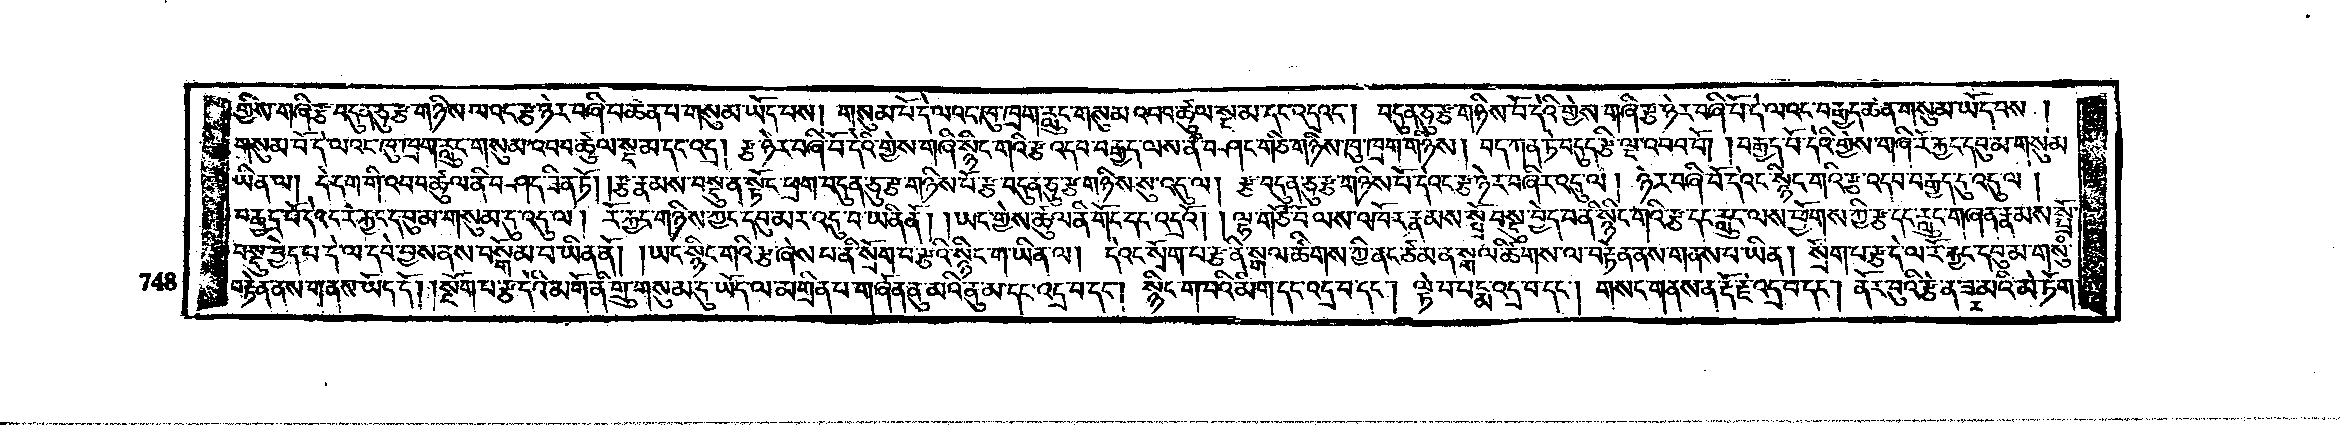གྱིས་གཟི་རྩ་བདུན་ཅུ་རྩ་གཉིས་ལའང་ཉེར་བཞི་པ་ཚན་པ་གསུམ་ཡོད་པས། གསུམ་པོ་དེ་ལའང་ཁུ་ཁྲག་རླུང་གསུམ་འབབ་ཚུལ་སྔ་མ་དང་འདྲའང་། བདུན་ཅུ་རྩ་གཉིས་པོ་དེའི་གྱེས་གཞི་རྩ་ཉེར་བཞི་པོ་དེ་ལའང་བརྒྱད་ཚན་གསུམ་ཡོད་པས།
གསུམ་པོ་དེ་ལའང་ཁུ་ཁྲག་རླུང་གསུམ་འབབ་ཚུལ་སྔ་མ་དང་འདྲ། རྩ་ཉེར་བཞི་པོ་དེའི་གྱེས་གཞི་སྙིང་གའི་རྩ་འདབ་བརྒྱད་ལས་ནི་བཤང་གཅི་གཉིས་ཁུ་ཁྲག་གཉིས། བད་ཀན་ཏེ་བདུད་རྩི་ལྔ་འབབ་པོ། །བརྒྱད་པོ་དེའི་གྱེས་གཞི་རོ་རྐྱང་དབུ་མ་གསུམ་
ཡིན་ལ། དེ་དག་གི་འབབ་ཚུལ་ནི་བཤད་ཟིན་ཏོ། །རྩ་རྣམས་བསྡུ་ན་སྟོང་ཕྲག་བདུན་ཅུ་རྩ་གཉིས་པོ་རྩ་བདུན་ཅུ་རྩ་གཉིས་སུ་འདུ་ལ། རྩ་བདུན་ཅུ་རྩ་གཉིས་པོ་དེའང་རྩ་ཉེར་བཞིར་འདུ་ལ། ཉེར་བཞི་བོ་དེའང་སྙིང་གའི་རྩ་འདབ་བརྒྱད་དུ་འདུ་ལ།
བརྒྱད་པོ་དེའང་རེ་རྐྱང་དབུ་མ་གསུམ་དུ་འདུ་ལ། རོ་རྐྱང་གཉིས་ཀྱང་དབུ་མར་འདུ་བ་ཡིན་ནོ། །ཡང་གྱེས་ཚུལ་ནི་གོང་དང་འདྲའོ། །ལྷ་གཙོ་བོ་ལས་འཁོར་རྣམས་སྤྲོ་བསྡུ་བྱེད་པ་ནི་སྙིང་གའི་རྩ་དང་རླུང་ལས་ཕྱོགས་ཀྱི་རྩ་དང་རླུང་གཞན་རྣམས་སྤྲོ་
བསྡུ་བྱེད་པ་དེ་ལ་དཔེ་བྱས་ནས་བསྒོམ་པ་ཡིན་ནོ། །ཡང་སྙིང་གའི་རྩ་ཞེས་པ་ནི་སྲོག་པ་རྩའི་སྙིང་ག་ཡིན་ལ། དེའང་སྲོག་པ་རྩ་ནི་སྒལ་ཚིགས་ཀྱི་ནང་ཙམ་ན་སྒལ་ཚིགས་ལ་བརྟེན་ནས་གནས་པ་ཡིན། སྲོག་པ་རྩ་དེ་ལ་རོ་རྐྱང་དབུ་མ་གསུམ་
བརྟེན་ནས་གནས་ཡོད་དོ། །སྲོག་པ་རྩ་དེའི་མགོ་ནི་གྲུ་གསུམ་དུ་ཡོད་ལ་མགྲིན་པ་གཞོན་ནུ་མའི་ནུ་མ་དང་འདྲ་བ་དང་། སྙིང་ག་བའི་མིག་དང་འདྲ་བ་དང་། ལྟེ་བ་པདམ་འདྲ་བ་དང་། གསང་གནས་ན་རྡོ་རྗེ་འདྲ་བ་དང་། ནོར་བུའི་རྩེ་ན་ཟར་མའི་མེ་ཏོག་